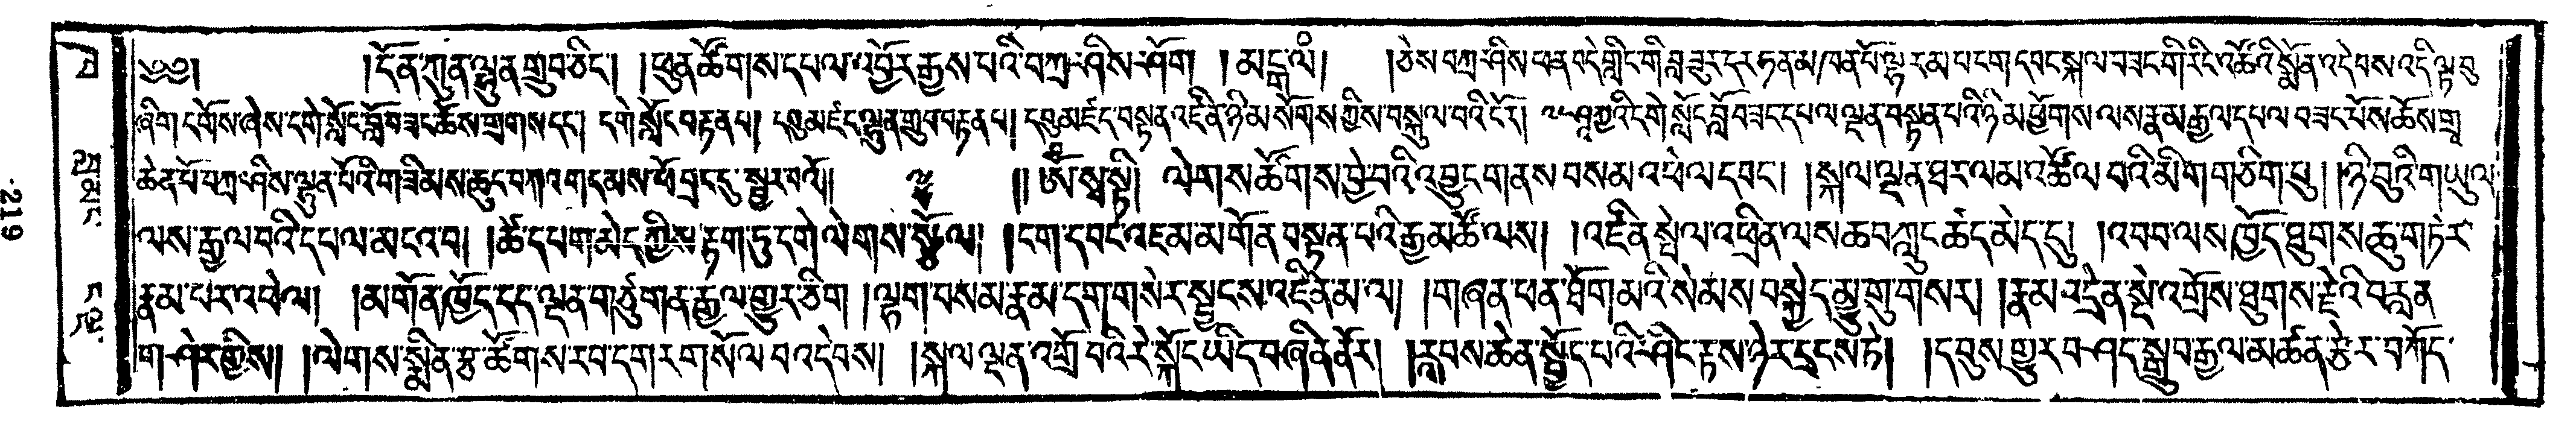༄༅། །དོན་ཀུན་ལྷུན་གྲུབ་ཅིང་། །ཕུན་ཚོགས་དཔལ་འབྱོར་རྒྱས་པའི་བཀྲ་ཤིས་ཤོག །མངྒ་ལཾ། །ཅེས་བཀྲ་ཤིས་ཕན་བདེ་གླིང་གི་བླ་ཟུར་དར་ཧན་མཁན་པོ་ལྷ་རམ་པ་ངག་དབང་སྐལ་བཟང་གི་རིང་འཚོའི་སྨོན་འདེབས་འདི་ལྟ་བུ་
ཞིག་དགོས་ཞེས་དགེ་སློང་བློ་བཟང་ཆོས་གྲགས་དང་། དགེ་སློང་བརྟན་པ། དབུ་མཛད་ལྷུན་གྲུབ་བརྟན་པ། དབུ་མཛད་བསྟན་འཛིན་ཉི་མ་སོགས་ཀྱིས་བསྐུལ་བའི་ངོར། ༧་ཤཱཀྱའི་དགེ་སློང་བློ་བཟང་དཔལ་ལྡན་བསྟན་པའི་ཉི་མ་ཕྱོགས་ལས་རྣམ་རྒྱལ་དཔལ་བཟང་པོས་ཆོས་གྲྭ་
ཆེན་པོ་བཀྲ་ཤིས་ལྷུན་པོའི་གཟིམས་ཆུང་བཀའ་གདམས་ཕོ་བྲང་དུ་སྦྱར་བའོ།། ༈ །།ཨོཾ་སྭ་སྟི། ལེགས་ཚོགས་བྱེ་བའི་འབྱུང་གནས་བསམ་འཕེལ་དབང་། །སྐལ་ལྡན་ཐར་ལམ་འཚོལ་བའི་མིག་གཅིག་བུ། །ཉི་བུའི་གཡུལ་
ལས་རྒྱལ་བའི་དཔལ་མངའ་བ། །ཚེ་དཔག་མེད་ཀྱིས་རྟག་ཏུ་དགེ་ལེགས་སྩོལ། །ངག་དབང་འཇམ་མགོན་བསྟན་པའི་རྒྱ་མཚོ་ལས། །འཛིན་སྤེལ་འཕྲིན་ལས་ཆབ་ཀླུང་ཚད་མེད་དུ། །འབབ་ལས་ཁྱོད་ཐུགས་ཆུ་གཏེར་
རྣམ་པར་འཕེལ། །མགོན་ཁྱོད་དད་ལྡན་གཙུག་ན་རྒྱལ་གྱུར་ཅིག །ལྷག་བསམ་རྣམ་དག་གསེར་སྦྱངས་འཛིན་མ་ལ། །གཞན་ཕན་ཐོག་མའི་སེམས་བསྐྱེད་མྱུ་གུ་གསར། །རྣམ་འདྲེན་སྡེ་འགྲོས་ཐུགས་རྗེའི་བརླན་
གཤེར་གྱིས། །ལེགས་སྨིན་རྩ་ཚོགས་རབ་དགར་གསོལ་བ་འདེབས། །སྐལ་ལྡན་འགྲོ་བའི་རེ་སྐོང་ཡིད་བཞིན་ནོར། །རླབས་ཆེན་སྤྱོད་པའི་ཤིང་རྟས་ཉེར་དྲངས་ཏེ། །དབུས་གྱུར་བཤད་སྒྲུབ་རྒྱལ་མཚན་རྩེར་བཀོད་